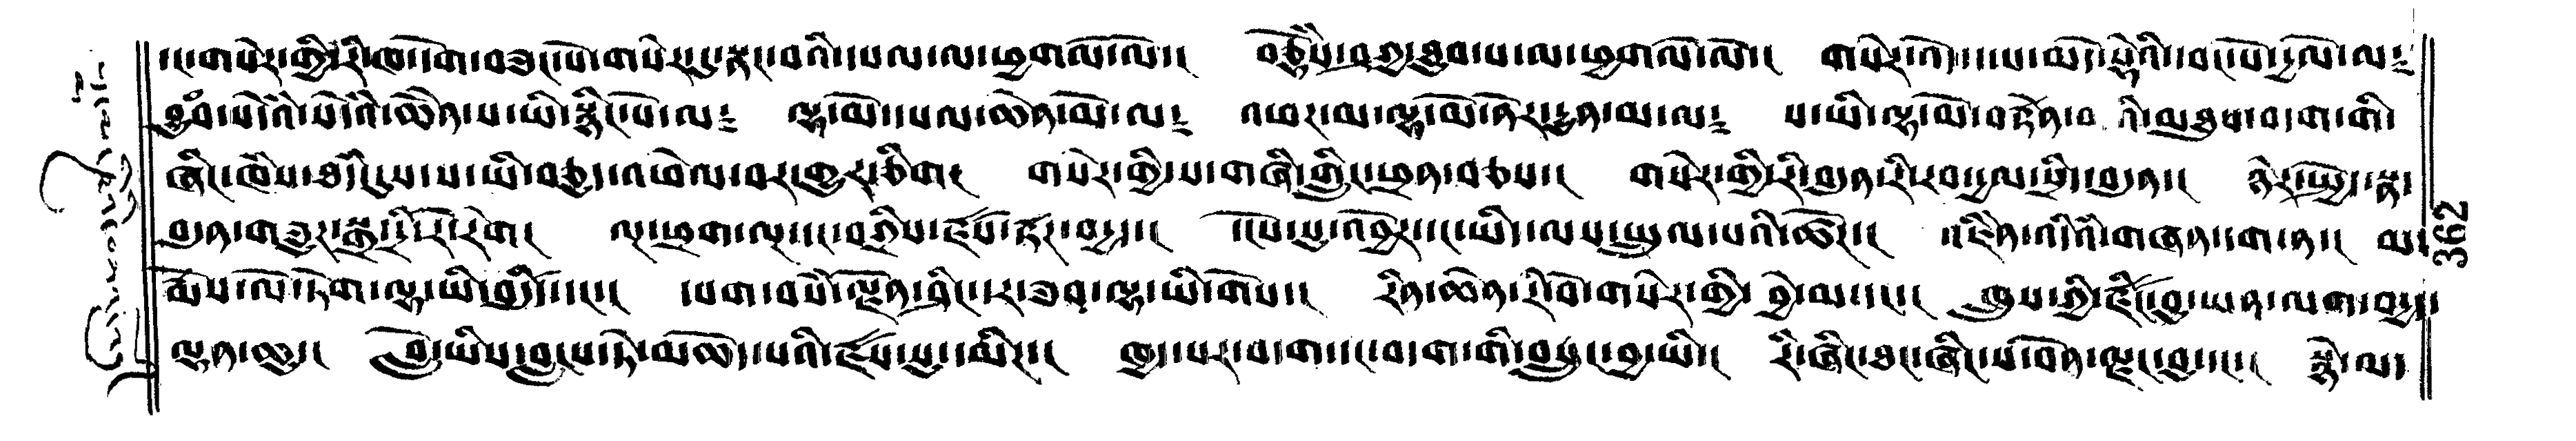དང་གསེར་གྱི་རི་ཁ་དོག་བཟང་པོ་གསེར་དུ་སྣང་བའི་དཔལ་ལ་ཕྱག་འཚལ་ལོ། བཅོམ་ལྡན་འདས་ཤཱཀྱ་ཐུབ་པ་ལ་ཕྱག་འཚལ་ལོ། གསེར་འོད་དམ་པ་མདོ་སྡེའི་དབང་པོ་རྒྱལ་པོ་ལ༴ 
བྱང་ཆུབ་སེམས་དཔའ་སེམས་དཔའ་ཆེན་པོ་ས་ཡི་སྙིང་པོ་ལ༴ ལྷ་མོ་དཔལ་ཆེན་མོ་ལ༴ འཕགས་མ་ལྷ་མོ་ནོར་རྒྱུན་མ་ལ༴ ས་ཡི་ལྷ་མོ་བརྟན་མའི་མཐུས་བདག་གི་
ཞིང་ཁམས་ཐམས་ཅད་དུ་ས་ཡི་བཅུད་འཕེལ་བར་གྱུར་ཅིག གསེར་གྱི་ས་གཞི་གླིང་གཞི་གླིང་ཕྲན་བཅས། །གསེར་གྱི་རི་བདུན་རི་རབ་རྒྱལ་སྲིད་བདུན། །ཉེར་སྤྱོད་སྣ་
བདུན་གཟུགས་སྒྲ་དྲི་རོ་རེག །ལྔ་ཕྲག་ལྔ་དང་བཀྲ་ཤིས་རྫས་རྟགས་བརྒྱད། །དངོས་སུ་འབྱོར་དང་ཡིད་ལས་སྤྲུལ་པའི་ཚོགས། །འཇིག་རྟེན་འདིའམ་འཇིག་རྟེན་གཞན་དག་ན། །མ་
རྨོས་ལོ་ཏོག་ལྷ་ཡི་བདུད་རྩི་དང་། །དཔག་བསམ་ལྗོན་ཤིང་དར་ཟབ་ལྷ་ཡི་གོས། །རིན་ཆེན་རི་བོ་གསེར་གྱི་བྱེ་མ་དང་།ཁྲུས་ཀྱི་རྫིང་བུ་ཡན་ལག་བརྒྱད་
ལྡན་ཆུ། །བློ་ཡིས་བླངས་ཏེ་མཆོད་པའི་རྫས་སུ་དམིགས། །ཁྱད་པར་བདག་དང་བདག་གི་བསྲུང་བྱ་ཡི། །རི་ཞིང་ཐང་ཞིང་ས་བོན་ལྗང་བུ་དང་། །སྙེ་མ་